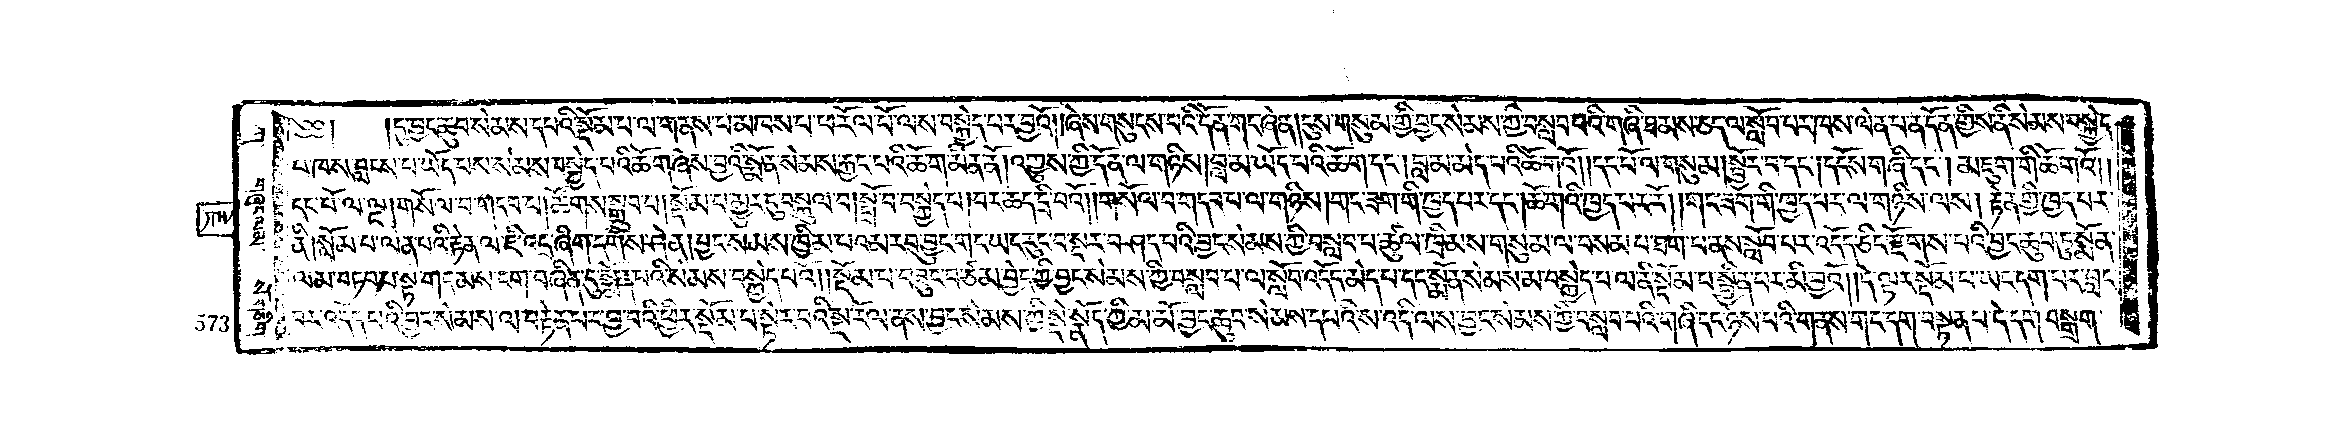༄༅། །དུ་བྱང་ཆུབ་སེམས་དཔའི་སྡོམ་པ་ལ་གནས་པ་མཁས་པ་ཕ་རོལ་པོ་ལས་བསྐྱེད་པར་བྱའོ། །ཞེས་གསུངས་པའི་དོན་གང་ཞེ་ན། དུས་གསུམ་གྱི་བྱང་སེམས་ཀྱི་བསླབ་པའི་གཞི་ཐམས་ཅད་ལ་སློབ་པར་ཁས་ལེན་པ་ན་དོན་གྱིས་ནི་སེམས་བསྐྱེད་
པ་ཁས་བླངས་པ་ཡོད་པས་སེམས་བསྐྱེད་པའི་ཆོ་ག་ཞེས་བྱའི་སྨོན་སེམས་རྐྱང་པའི་ཆོ་ག་མིན་ནོ། འགྱུས་ཀྱི་དོན་ལ་གཉིས། བླ་མ་ཡོད་པའི་ཆོ་ག་དང་། བླ་མ་མེད་པའི་ཆོ་གའོ། །དང་པོ་ལ་གསུམ། སྦྱོར་བ་དང་། དངོས་གཞི་དང་། མཇུག་གི་ཆོ་གའོ།།
དང་པོ་ལ་ལྔ། གསོལ་བ་གདབ་པ། ཚོགས་སྒྲུབ་པ། སྡོམ་པ་མྱུར་དུ་བསྐུལ་བ། སྤྲོ་བ་བསྐྱེད་པ། བར་ཆད་དྲི་བའོ། །གསོལ་བ་གདབ་པ་ལ་གཉིས། གང་ཟག་གི་ཁྱད་པར་དང་། ཆོ་གའི་ཁྱད་པར་རོ། །གང་ཟག་གི་ཁྱད་པར་ལ་གཉིས་ལས། རྟེན་གྱི་ཁྱད་པར་
ནི། སློམ་པ་ལན་པའི་རྟེན་ལ་ཇི་འདྲ་ཞིག་དགོས་ཤེན། བྱང་སེམས་ཁྱིམ་པའམ་རབ་བྱུང་གང་ཡང་རུང་བ་སྔར་བཤད་པའི་བྱང་སེམས་ཀྱི་བསླབ་པ་ཚུལ་ཁྲིམས་གསུམ་ལ་བསམ་པ་ཐག་པ་ནས་སློབ་པར་འདོད་ཅིང་རྫོགས་པའི་བྱང་ཆུབ་ཏུ་སྨོན་
ལམ་བཏབ་པ་སྟ་གདམས་ངག་བཞིན་དུ་སྨོན་པའི་སེམས་བསྐྱེད་པའོ། །སྡོམ་པ་བཟུང་བ་ཙམ་བྱེད་ཀྱི་བྱང་སེམས་ཀྱི་བསླབ་པ་ལ་སློབ་འདོད་མེད་པ་དང་སྨོན་སེམས་མ་བསྐྱེད་པ་ལ་ནི་སྡོམ་པ་སྦྱིན་པར་མི་བྱའོ། །དེ་ལྟར་སྡོམ་པ་ཡང་དག་པར་བླང་
བར་འདོད་པའི་བྱང་སེམས་ལ་བརྟེན་པར་བྱ་བའི་ཕྱིར་སྡོམ་པ་སྟེར་བའི་སྔ་རོལ་ནས་བྱང་སེམས་ཀྱི་སྡེ་སྣོད་ཀྱི་མ་མོ་བྱང་ཆུབ་སེམས་དཔའི་ས་འདི་ལས་བྱང་སེམས་ཀྱི་བསླབ་པའི་གཞི་དང་ཉེས་པའི་གནས་གང་དག་བསྟན་པ་དེ་དག་བསྒྲག་